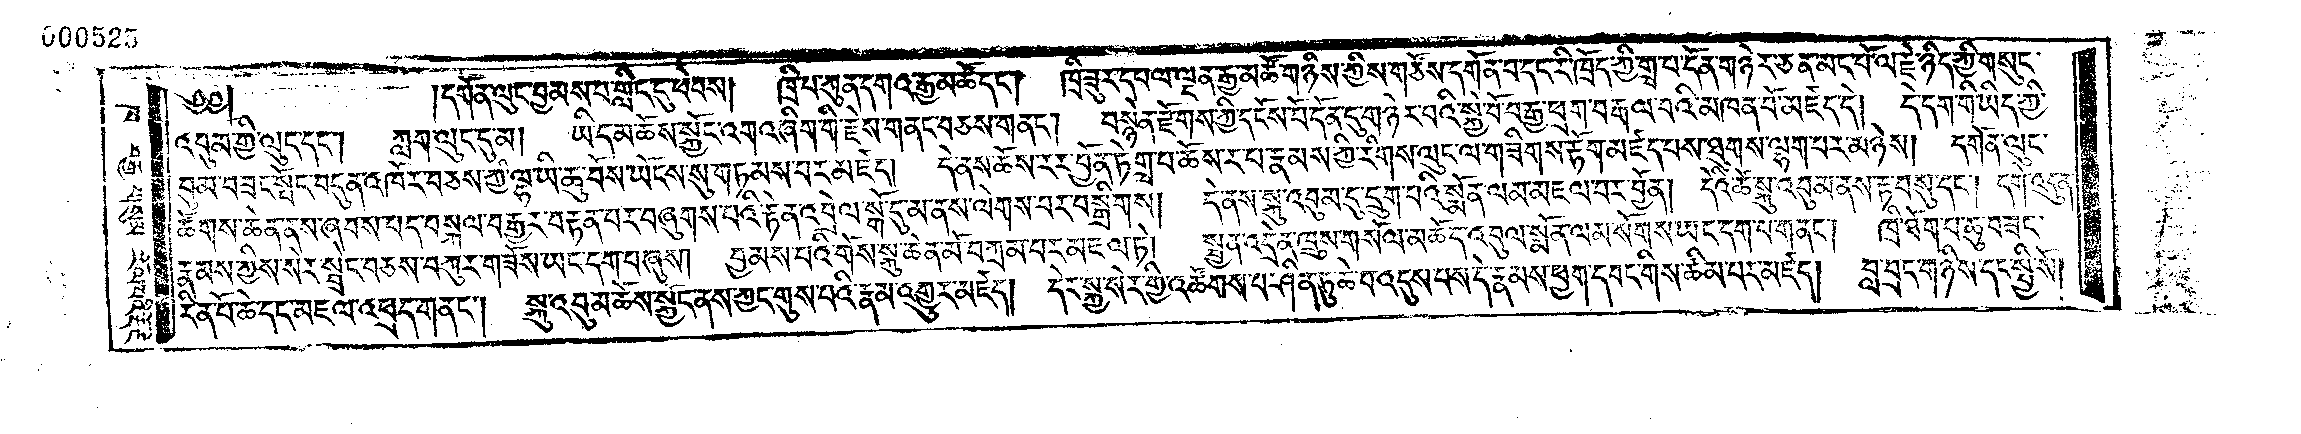༄༅། །དགོན་ལུང་བྱམས་པ་གླིང་དུ་ཕེབས། ཁྲི་པ་ཀུན་དགའ་རྒྱ་མཚོ་དང་། ཁྲི་ཟུར་དཔལ་ལྡན་རྒྱ་མཚོ་གཉིས་ཀྱིས་གཙོས་དགོན་པ་དང་རི་ཁྲོད་ཀྱི་གྲྭ་པ་དོན་གཉེར་ཅན་མང་པོ་ལ་རྗེ་ཉིད་ཀྱི་གསུང་
འབུམ་གྱི་ལུང་དང་། ཀླག་ལུང་དུ་མ། ཡི་དམ་ཆོས་སྐྱོང་འགའ་ཞིག་གི་རྗེས་གནང་བཅས་གནང་། བསྙེན་རྫོགས་ཀྱི་དངོས་པོ་དོན་དུ་གཉེར་བའི་སྐྱེ་བོ་བརྒྱ་ཕྲག་བརྒལ་བའི་མཁན་པོ་མཛད་དེ། དེ་དག་གི་ཡིད་ཀྱི་
བུམ་བཟང་སྤོང་བདུན་འཁོར་བཅས་ཀྱི་ལྷ་ཡི་ཆུ་བོས་ཡོངས་སུ་གཏམས་པར་མཛད། དེ་ནས་ཆོས་རར་བྱོན་ཏེ་གྲྭ་པ་ཆོས་ར་པ་རྣམས་ཀྱི་རིགས་ལུང་ལ་གཟིགས་རྟོག་མཛད་པས་ཐུགས་ལྷག་བར་མཉེས། དགོན་ལུང་
ཆོགས་ཆེན་ནས་ཞབས་པད་བསྐལ་བརྒྱར་བརྟན་པར་བཞུགས་པའི་རྟེན་འབྲེལ་སོག་དུ་མ་ནས་ལེགས་པར་བསྒྲིགས། དེ་ནས་སྐུ་འབུམ་དུ་དྲུག་པའི་སྨོན་ལམ་མཇལ་བར་བྱོན། དེའི་ཚེ་སྐུ་འབུམ་ནས་རྟ་བསུ་དང་། དགེ་འདུན་
རྣམས་ཀྱིས་སེར་སྦྲེང་བཅས་བཀུར་གཟོས་ཡང་དག་པ་ཞུས། བྱམས་པའི་གོས་སྐུ་ཆེན་མོ་བཀྲམ་པར་མཇལ་ཏེ། སྦྱན་འདྲེན་ཁྲུས་གསོལ་མཆོད་འབུལ་སྨོན་ལམ་སོགས་ཡང་དག་པ་གནང་། ཁྲི་ཐོག་པ་ཆུ་བཟང་
རིན་པོ་ཆེ་དང་མཇལ་འཕྲད་གནང་། སྐུ་འབུམ་ཆོས་སྐྱོང་ནས་ཀྱང་གུས་པའི་རྣམ་འགྱུར་མཛད། དེར་སྐྱ་སེར་གྱི་འཚོགས་པ་ཤིན་ཏུ་ཆེ་བ་འདུས་པས་དེ་རྣམས་ཕྱག་དབང་གིས་ཚིམ་པར་མཛད། བླ་བྲང་གཉིས་དང་སྤྱི་སོ།